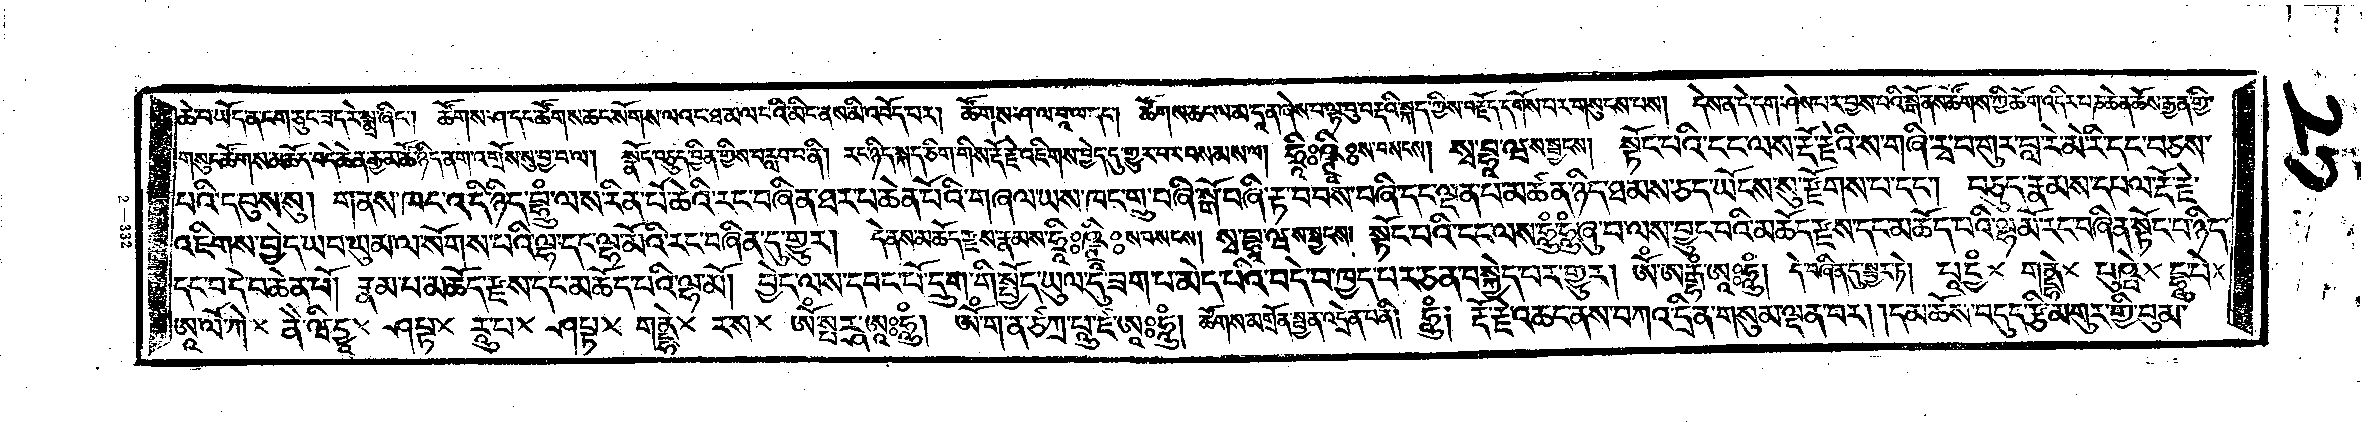ཆེ་བ་ཡོད་ན་ངག་ཅུང་ཟད་རེ་སྨྲ་ཞིང་། ཚོགས་ཤ་དང་ཚོགས་ཆང་སོགས་ལའང་ཐ་མལ་བའི་མིང་ནས་མི་འབོད་པར། ཚོགས་ཤ་ལ་བཱ་ལ་དང་། ཚོགས་ཆང་ལམ་དཱ་ན་ཞེས་པ་ལྟ་བུ་བརྡའི་སྐད་ཀྱིས་བརྗོད་དགོས་པར་གསུངས་པས། དེས་ན་དེ་དག་ཤེས་པར་བྱས་པའི་སྒོ་ནས་ཚོགས་ཀྱི་ཆོག་འདིར་པཎ་ཆེན་ཆོས་རྒྱན་གྱི་
གསུང་ཚོགས་མཆོད་བདེ་ཆེན་རྒྱ་མཚོ་ཉིད་ནག་འགྲོས་སུ་བྱ་བ་ལ། སྣོད་བཅུད་བྱིན་གྱིས་བརླབ་པ་ནི། རང་ཉིད་སྐད་ཅིག་གིས་རྡོ་རྗེ་འཇིགས་བྱེད་དུ་གྱུར་པར་བསམས་ལ། ཧྲཱིཿཥྚྲཱིཿས་བསངས།  སྭ་བྷཱ་ཝས་སྦྱངས།  སྟོང་པའི་ངང་ལས་རྡོ་རྗེའི་ས་གཞི་རྭ་བ་གུར་བླ་རེ་མེ་རི་དང་བཅས་
པའི་དབུས་སུ། གནས་ཁང་འདི་ཉིད་བྷཱུཾ་ལས་རིན་པོ་ཆེའི་རང་བཞིན་ཐར་པ་ཆེན་པོའི་གཞལ་ཡས་ཁང་གྲུ་བཞི་སྒོ་བཞི་རྟ་བབས་བཞི་དང་ལྡན་པ་མཚན་ཉིད་ཐམས་ཅད་ཡོངས་སུ་རྫོགས་པ་དང་། བཅུད་རྣམས་དཔལ་རྡོ་རྗེ་
འཇིགས་བྱེད་ཡབ་ཡུམ་ལ་སོགས་པའི་ལྷ་དང་ལྷ་མོའི་རང་བཞིན་དུ་གྱུར། དེ་ནས་མཆོད་རྫས་རྣམས་ཧྲཱིཿཥྚཱིཿས་བསངས།  སྭ་བྷཱ་ཝས་སྦྱངས། སྟོང་པའི་ངང་ལས་ཧཱུཾ་ཧཱུཾ་ཞུ་བ་ལས་བྱུང་བའི་མཆོད་རྫས་དང་མཆོད་པའི་ལྷ་མོ་རང་བཞིན་སྟོང་པ་ཉིད་
དང་བདེ་བ་ཆེན་པོ། རྣམ་པ་མཆོད་རྫས་དང་མཆོད་པའི་ལྷ་མོ། བྱེད་ལས་དབང་པོ་དྲུག་གི་སྤྱོད་ཡུལ་དུ་ཟག་པ་མེད་པའི་བདེ་བ་ཁྱད་པར་ཅན་བསྐྱེད་པར་གྱུར། ཨོཾ་ཨརྒྷཾ་ཨཱཿཧཱུཾ། དེ་བཞིན་དུ་སྦྱར་ཏེ།  པཱདྱཾ྾་གནྡྷེ྾་པུཥྦེ྾་དྷཱུཔེ྾་
ཨཱ་ལོ་ཀེ྾་ནཻ་ཝིདྱཱ྾་ཤཔྟ྾་རཱུཔ྾་ཤཔྟ྾་གནྡྷེ྾་རས྾་ཨོཾ་སྤརཤ་ཨཱཿཧཱུཾ། ཨོཾ་ག་ན་ཙྐྲ་པཱུ་ཛ་ཨཱཿཧཱུཾ། ཚོགས་མགྲོན་སྤྱན་འདྲེན་པ་ནི།  ཧཱུཾ༑ རྡོ་རྗེ་འཆང་ནས་བཀའ་དྲིན་གསུམ་ལྡན་བར། །དམ་ཆོས་བདུད་རྩི་མགུར་གྱི་བུམ་